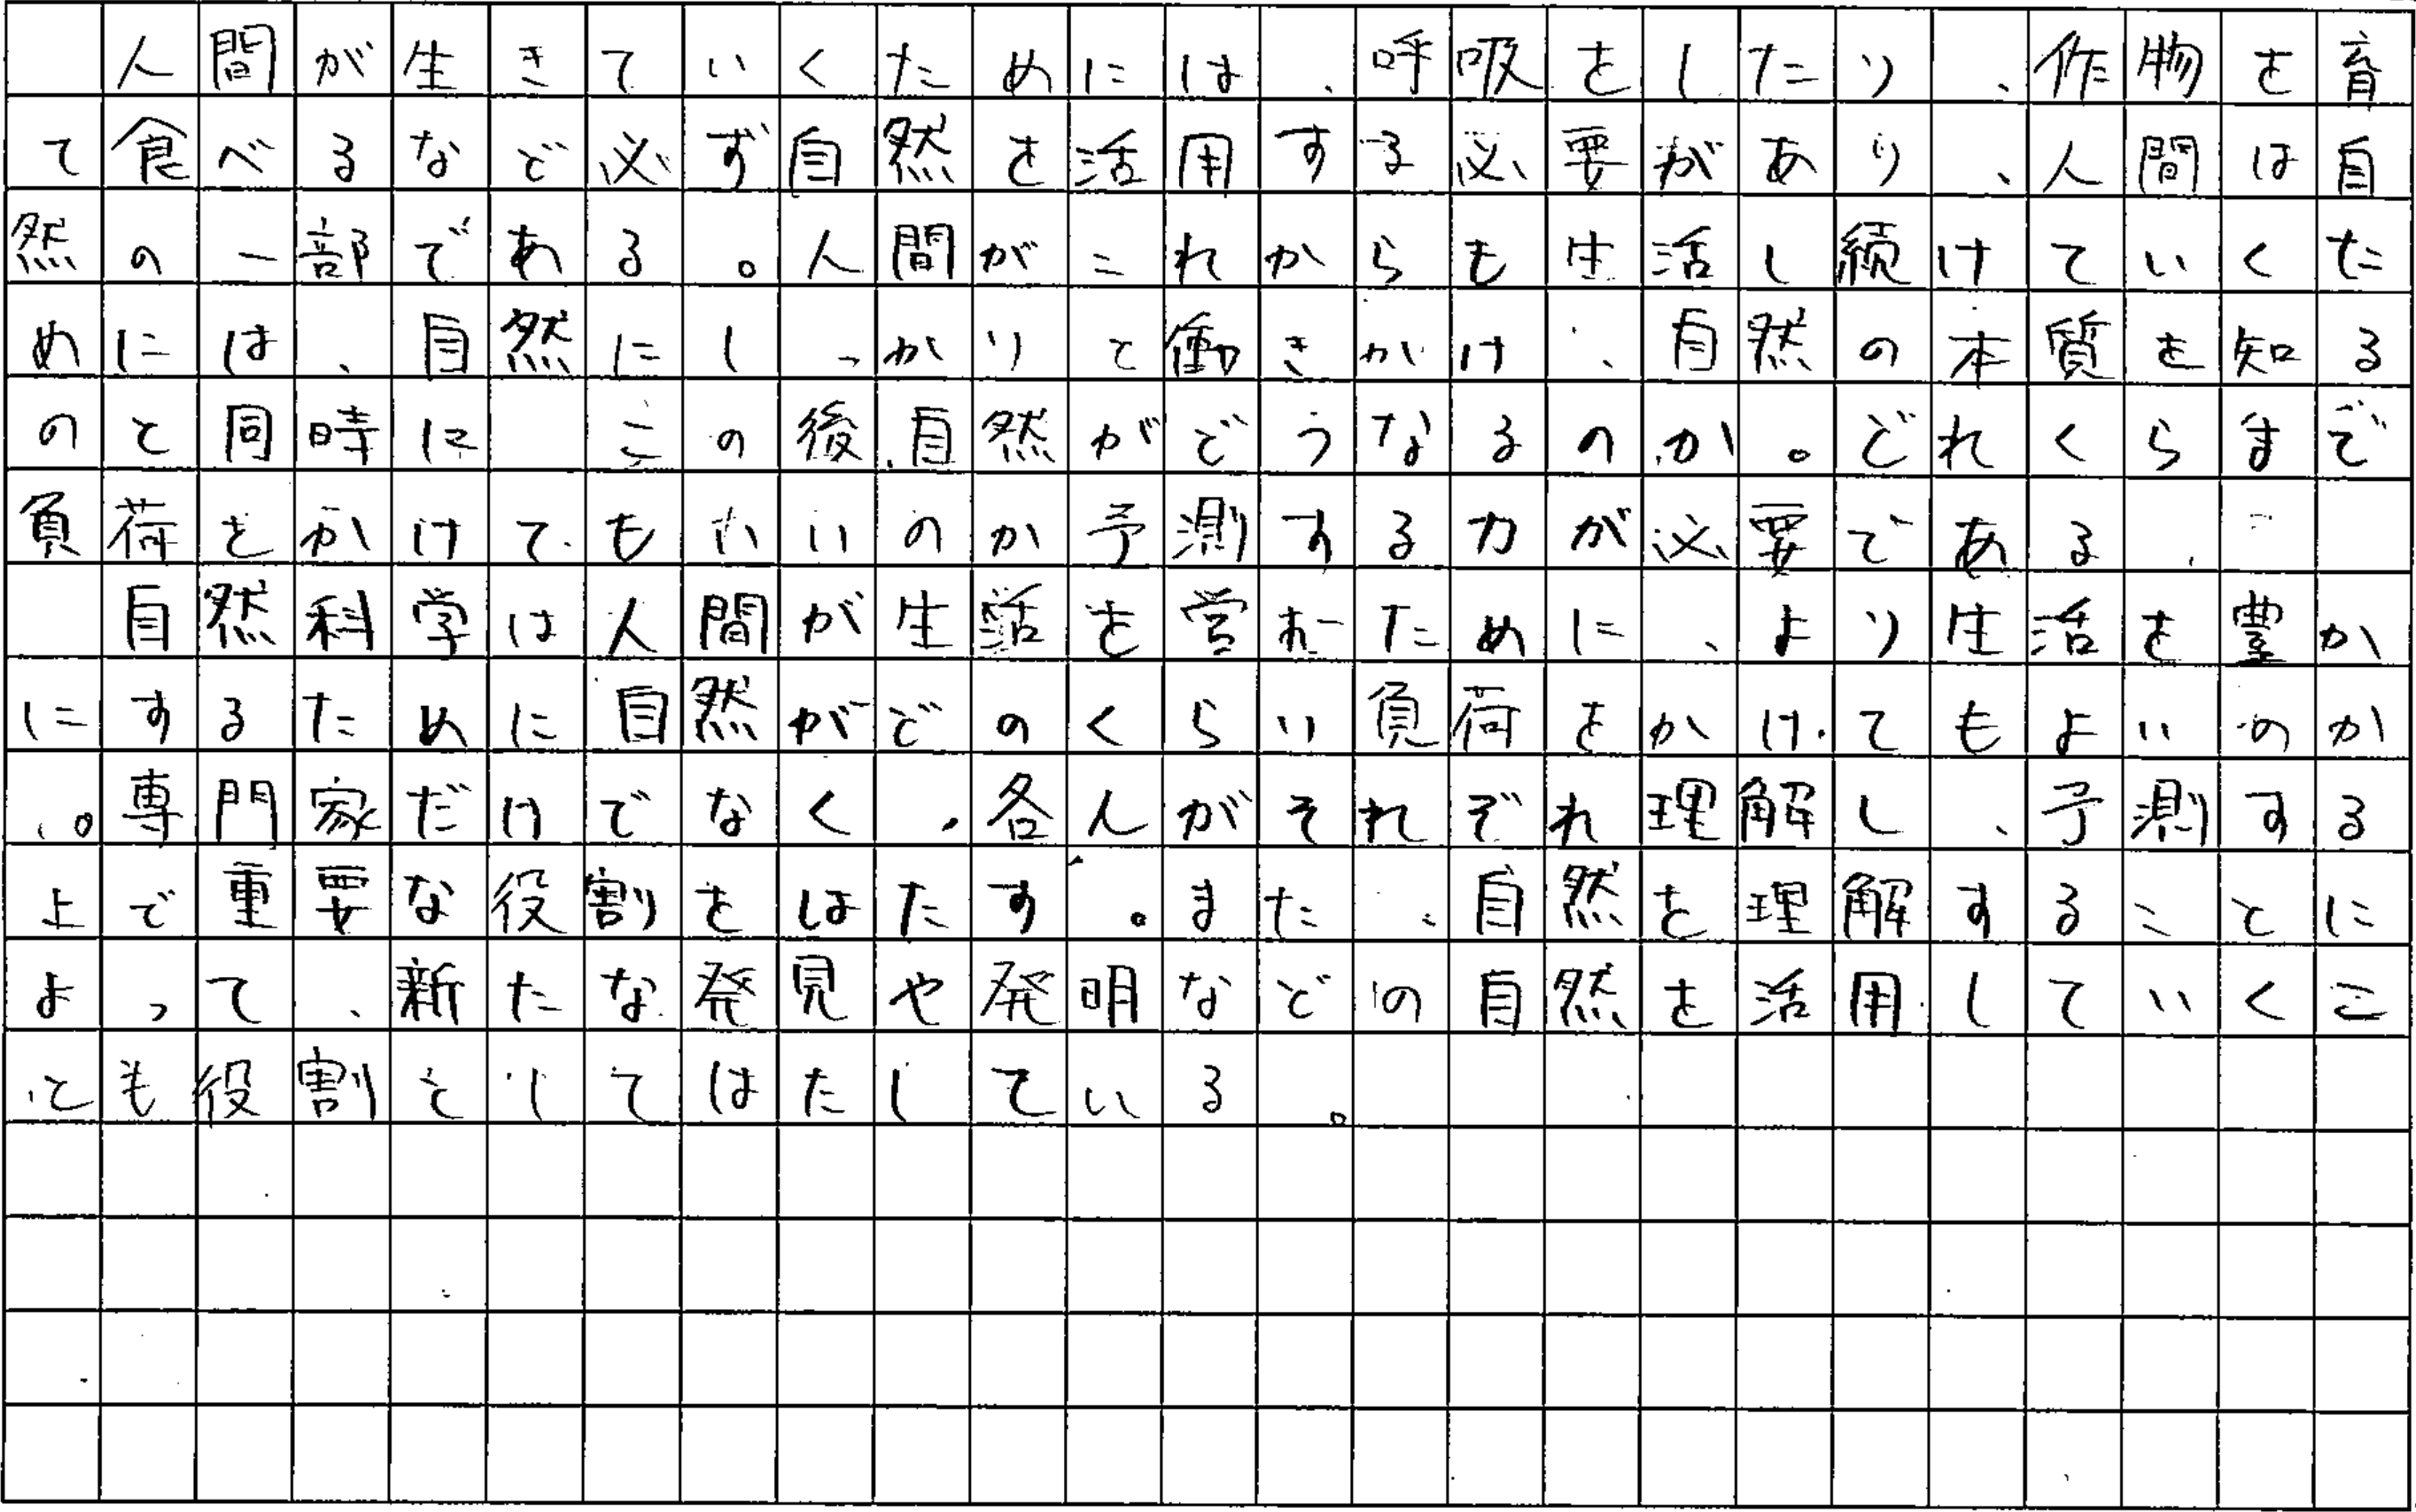　人間が生きていくためには、呼吸をしたり、作物を育て食べるなど必ず自然を活用する必要があり、人間は自然の一部である。人間がこれからも生活し続けていくためには、自然にしっかりと働きかけ、自然の本質を知るのと同時に、この後自然がどうなるのか。どれくらまで負荷をかけてもいいのか予測する力が必要である。
　自然科学は人間が生活を営むために、より生活を豊かにするために自然がどのくらい負荷をかけてもよいのか。専門家だけでなく、各人がそれぞれ理解し、予測する上で重要な役割をはたす。また、自然を理解することによって、新たな発見や発明などの自然を活用していくことも役割としてはたしている。
